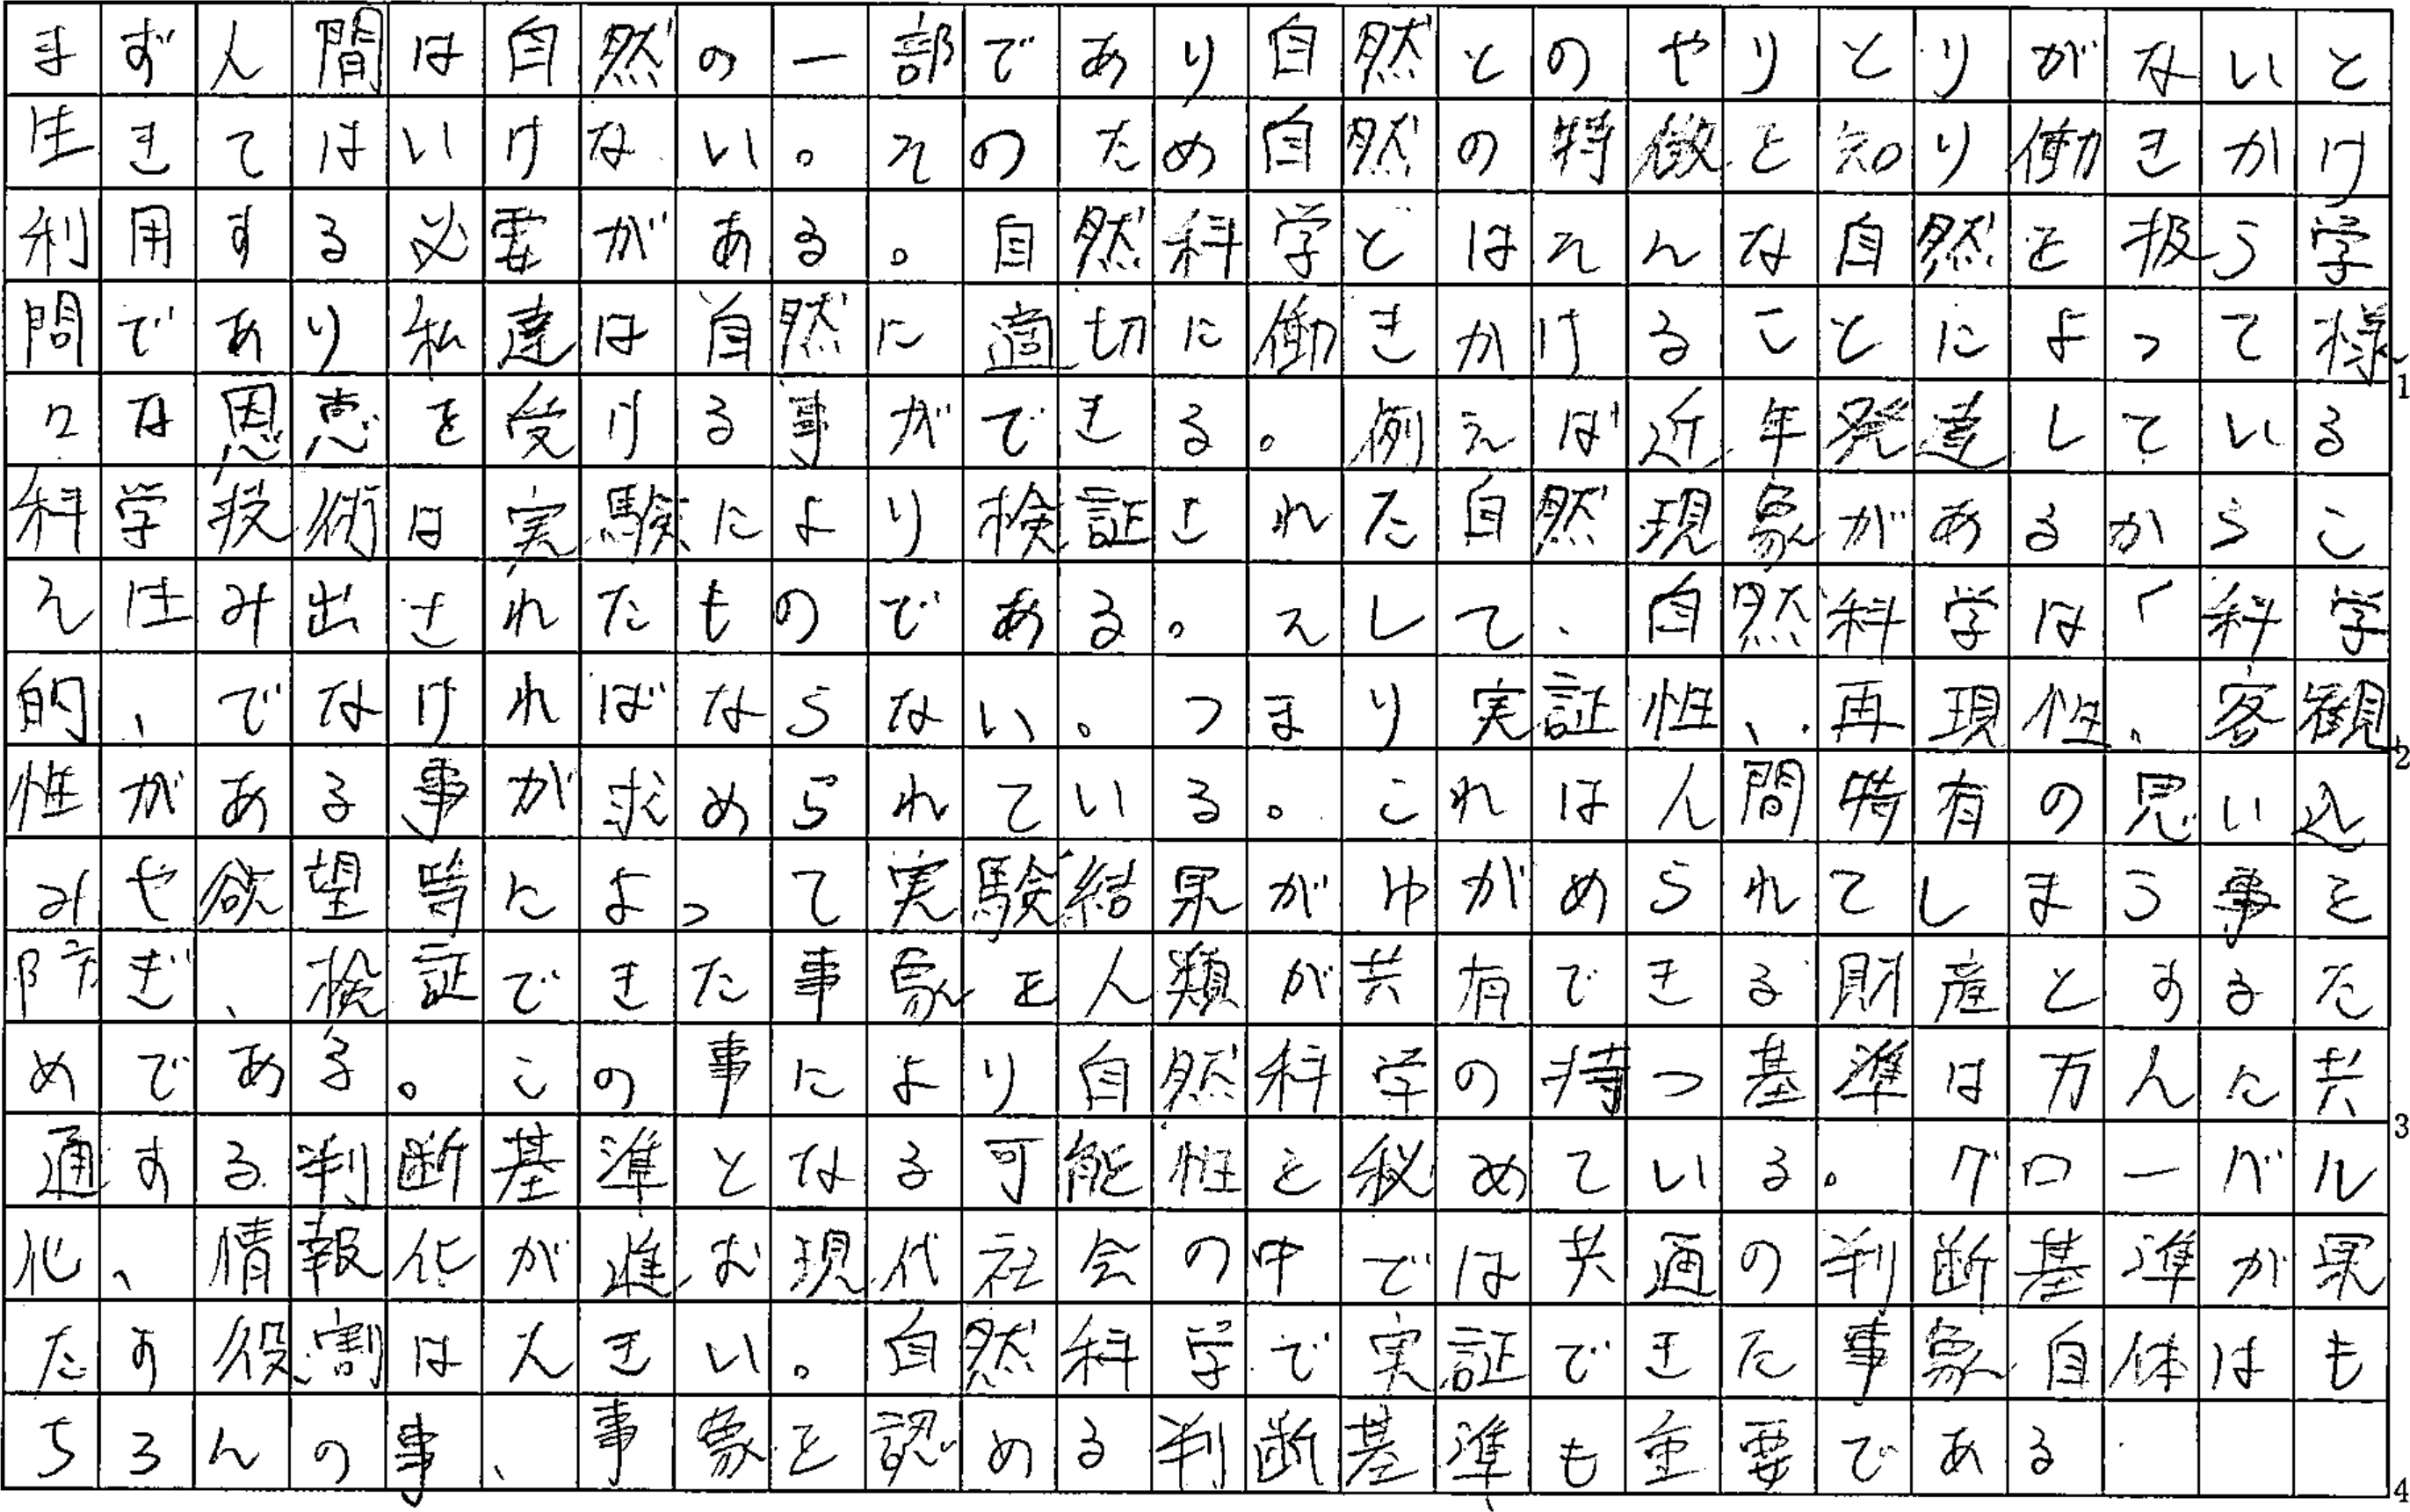まず人間は自然の一部であり自然とのやりとりがないと生きてはいけない。そのため自然の特徴を知り働きかけ利用する必要がある。自然科学とはそんな自然を扱う学問であり私達は自然に適切に働きかけることによって様々な恩恵を受ける事ができる。例えば近年発達している科学技術は実験により検証された自然現象があるからこそ生み出されたものである。そして、自然科学は「科学的」でなければならない。つまり実証性、再現性、客観性がある事が求められている。これは人間特有の思い込みや欲望等によって実験結果がゆがめられてしまう事を防ぎ、検証できた事象を人類が共有できる財産とするためである。この事により自然科学の持つ基準は万人に共通する判断基準となる可能性を秘めている。グローバル化、情報化が進む現代社会の中では共通の判断基準が果たす役割は大きい。自然科学で実証できた事象自体はもちろんの事、事象を認める判断基準も重要である
